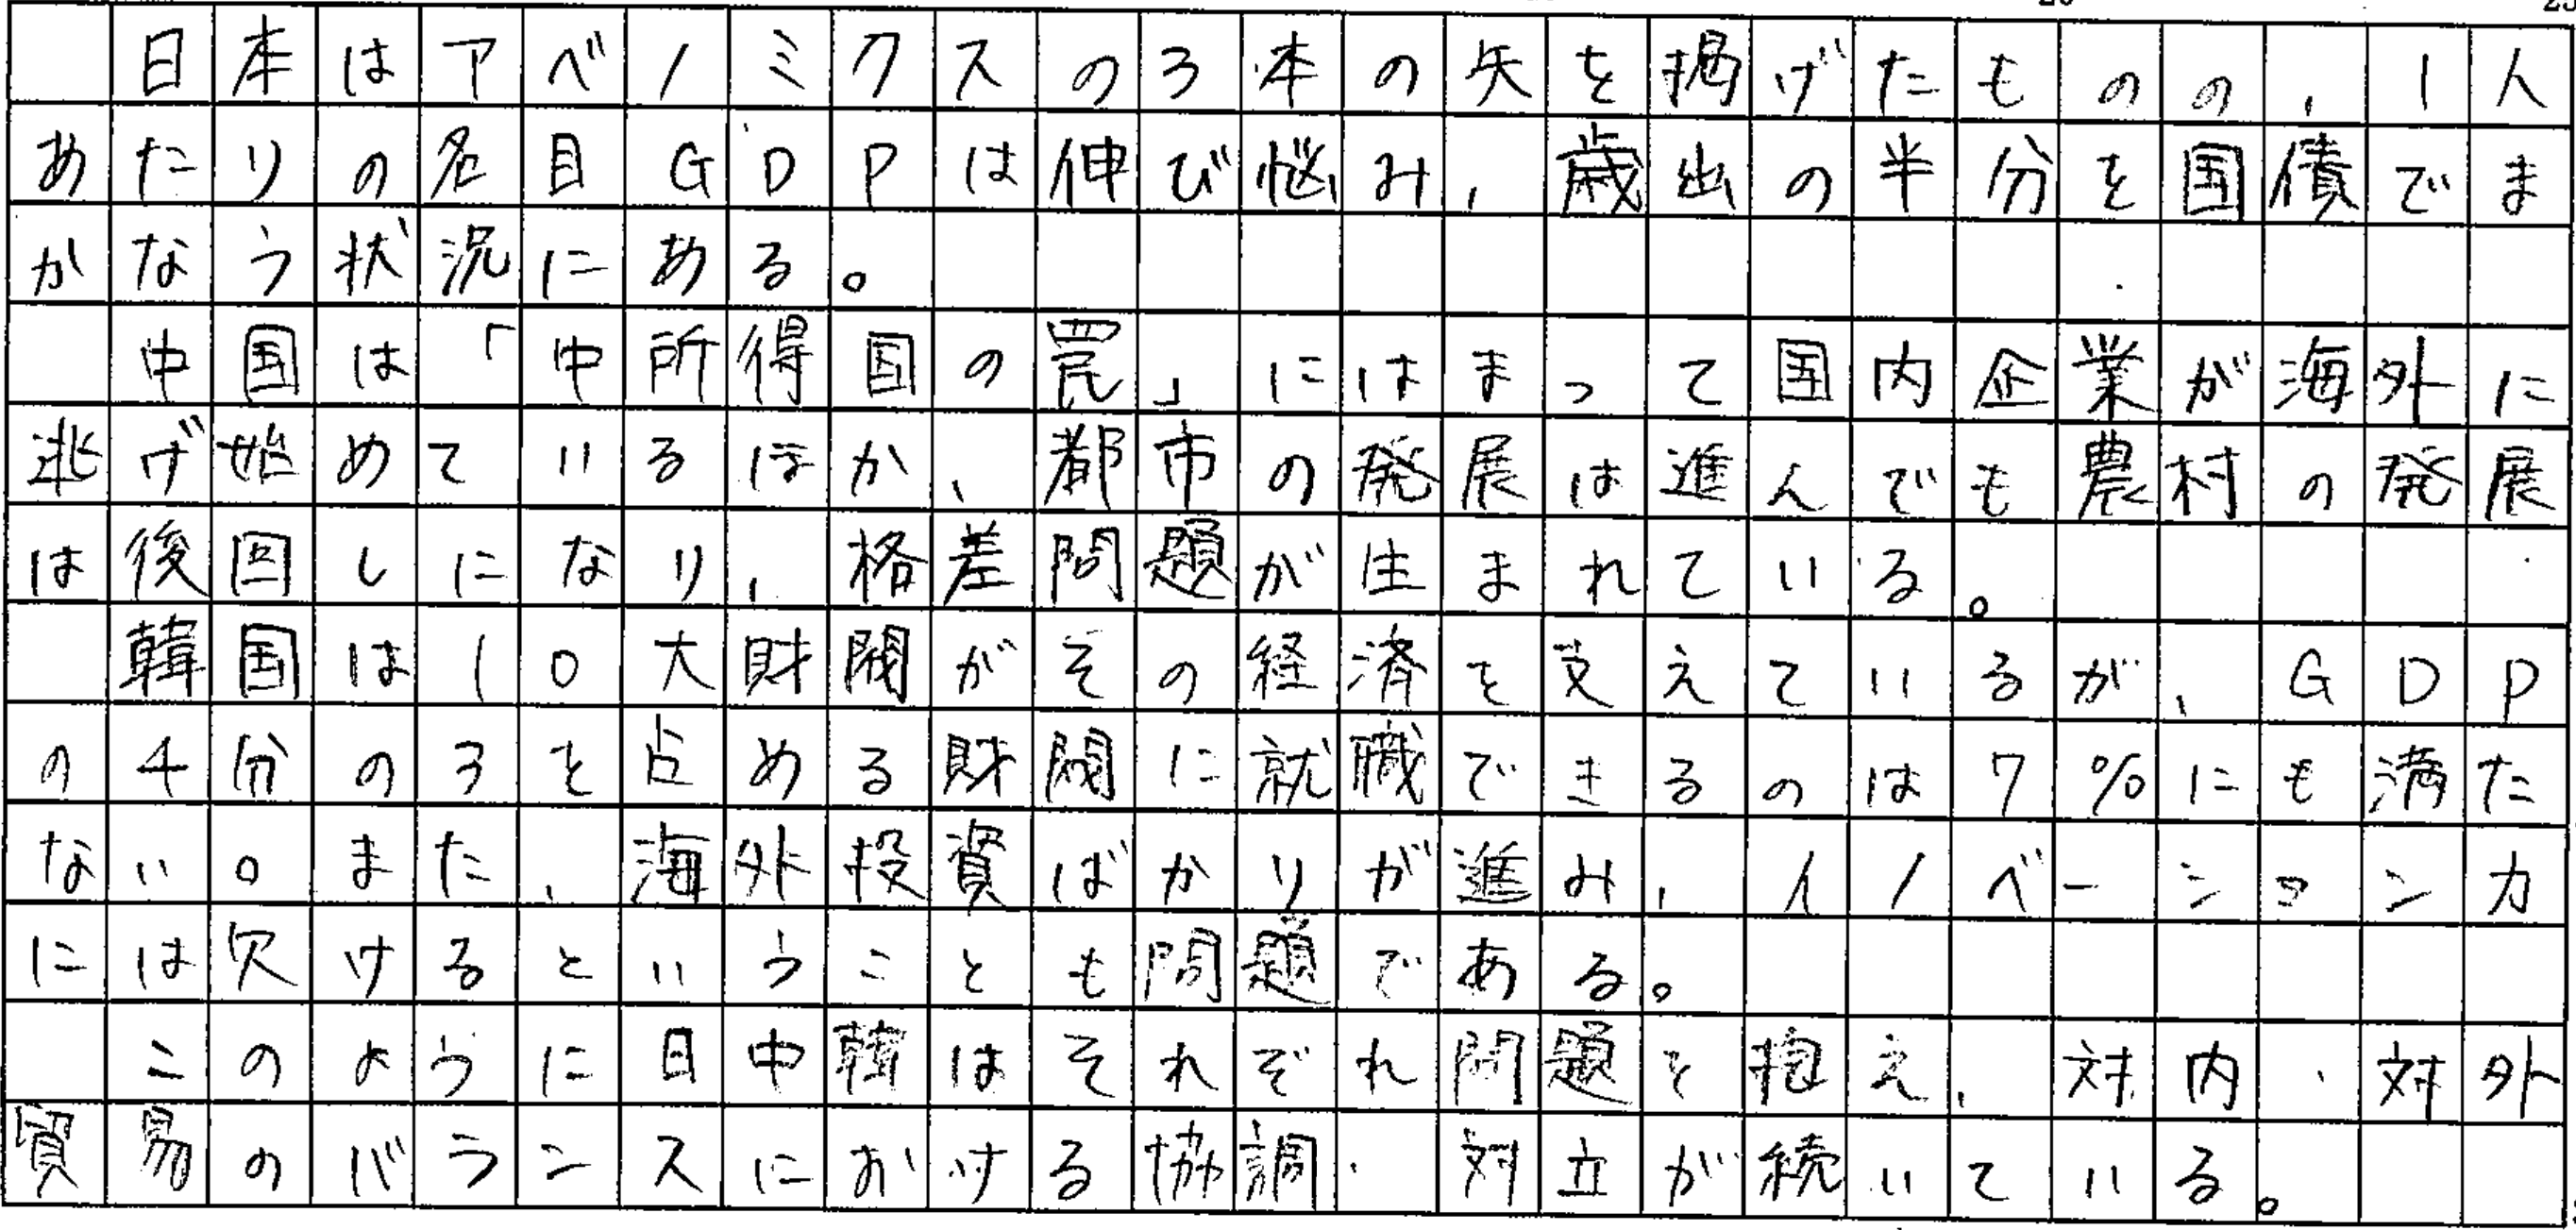　日本はアベノミクスの３本の矢を掲げたものの，１人あたりの名目ＧＤＰは伸び悩み，歳出の半分を国債でまかなう状況にある。
　中国は「中所得国の罠」にはまって国内企業が海外に逃げ始めているほか、都市の発展は進んでも農村の発展は後回しになり、格差問題が生まれている。
　韓国は１０大財閥がその経済を支えているが、ＧＤＰの４分の３を占める財閥に就職できるのは７％にも満たない。また、海外投資ばかりが進み，イノベーション力には欠けるということも問題である。
　このように日中韓はそれぞれ問題を抱え、対内・対外貿易のバランスにおける協調・対立が続いている。
